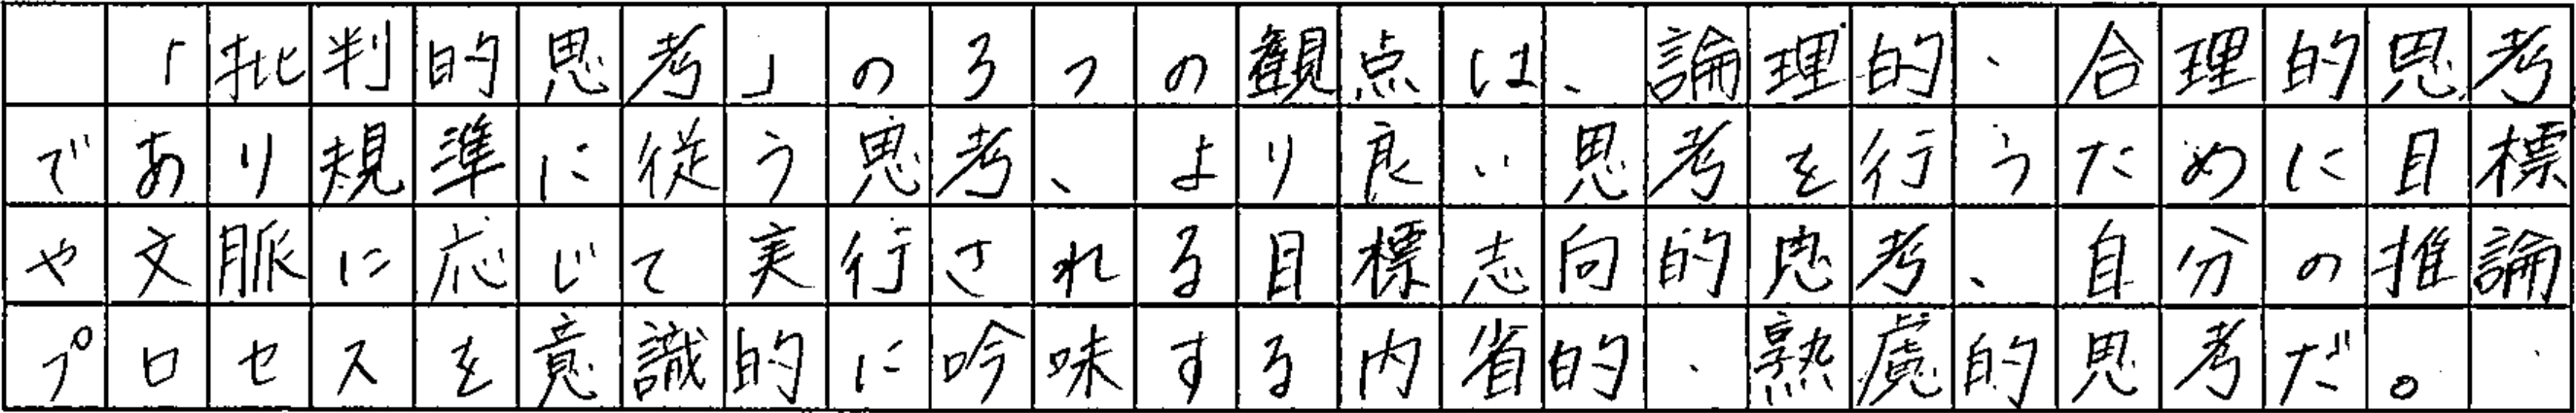　「批判的思考」の３つの観点は、論理的・合理的思考であり規準に従う思考、より良い思考を行うために目標や文脈に応じて実行される目標志向的思考、自分の推論プロセスを意識的に吟味する内省的・熟慮的思考だ。
